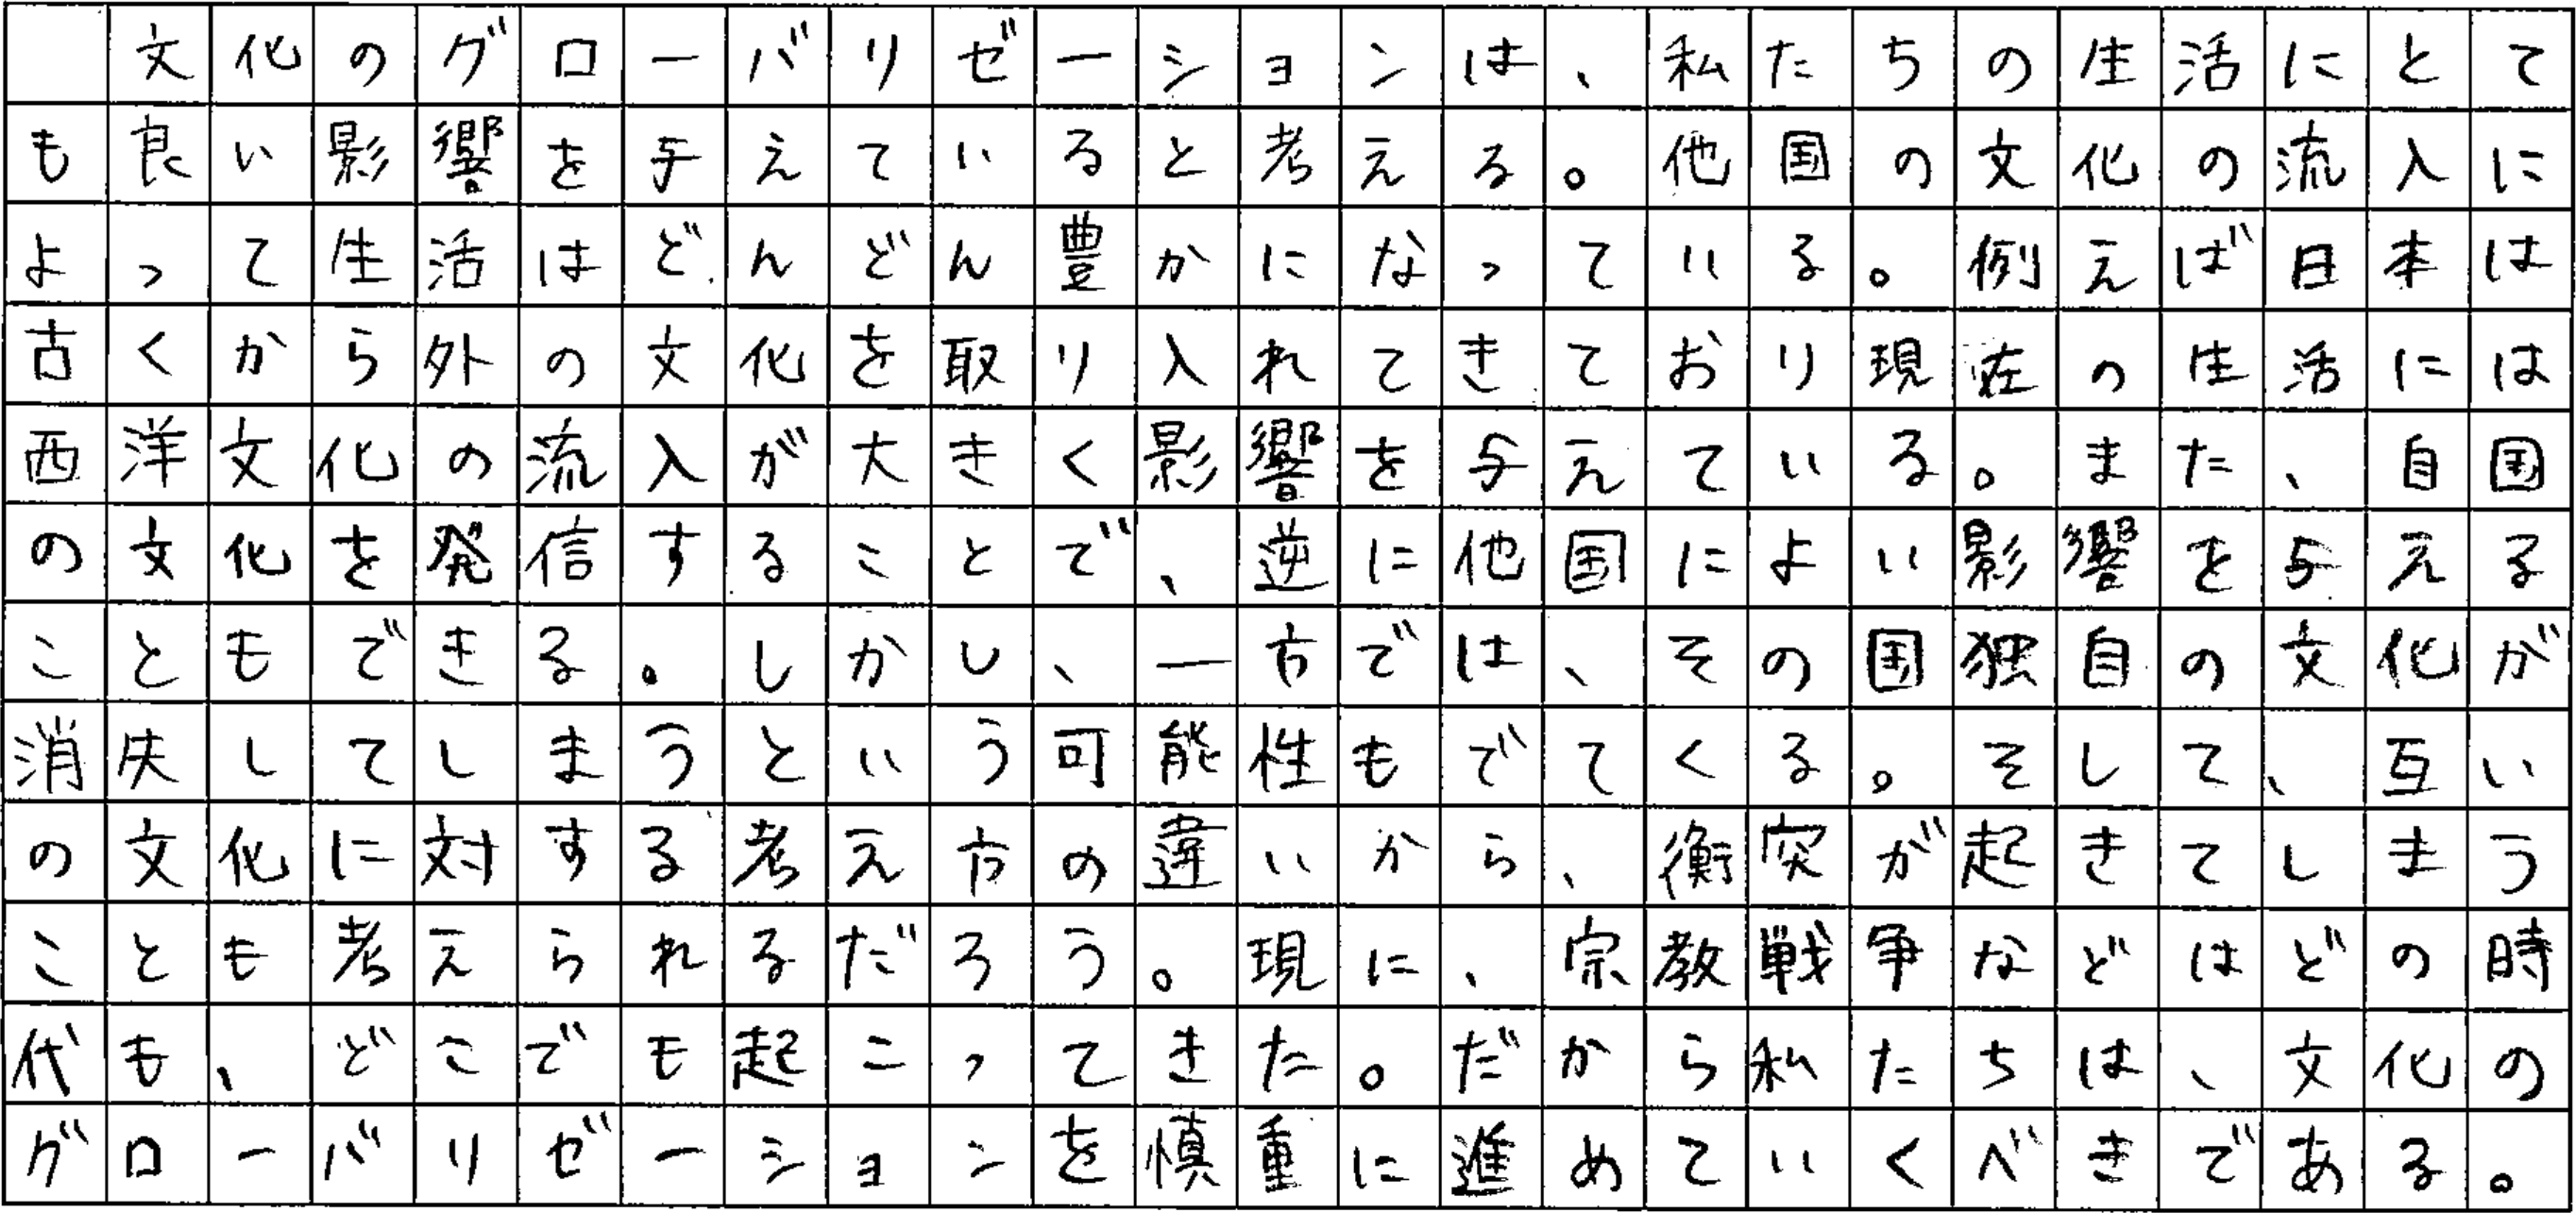　文化のグローバリゼーションは、私たちの生活にとても良い影響を与えていると考える。他国の文化の流入によって生活はどんどん豊かになっている。例えば日本は古くから外の文化を取り入れてきており現在の生活には西洋文化の流入が大きく影響を与ている。また、自国の文化を発信することで、逆に他国によい影響を与えることもできる。しかし、一方では、その国独自の文化が消失してしまうという可能性もでてくる。そして、互いの文化に対する考え方の違いから、衡突が起きてしまうことも考えられるだろう。現に、宗教戦争などはどの時代も、どこでも起こってきた。だから私たちは、文化のグローバリゼーションを慎重に進めていくべきである。
